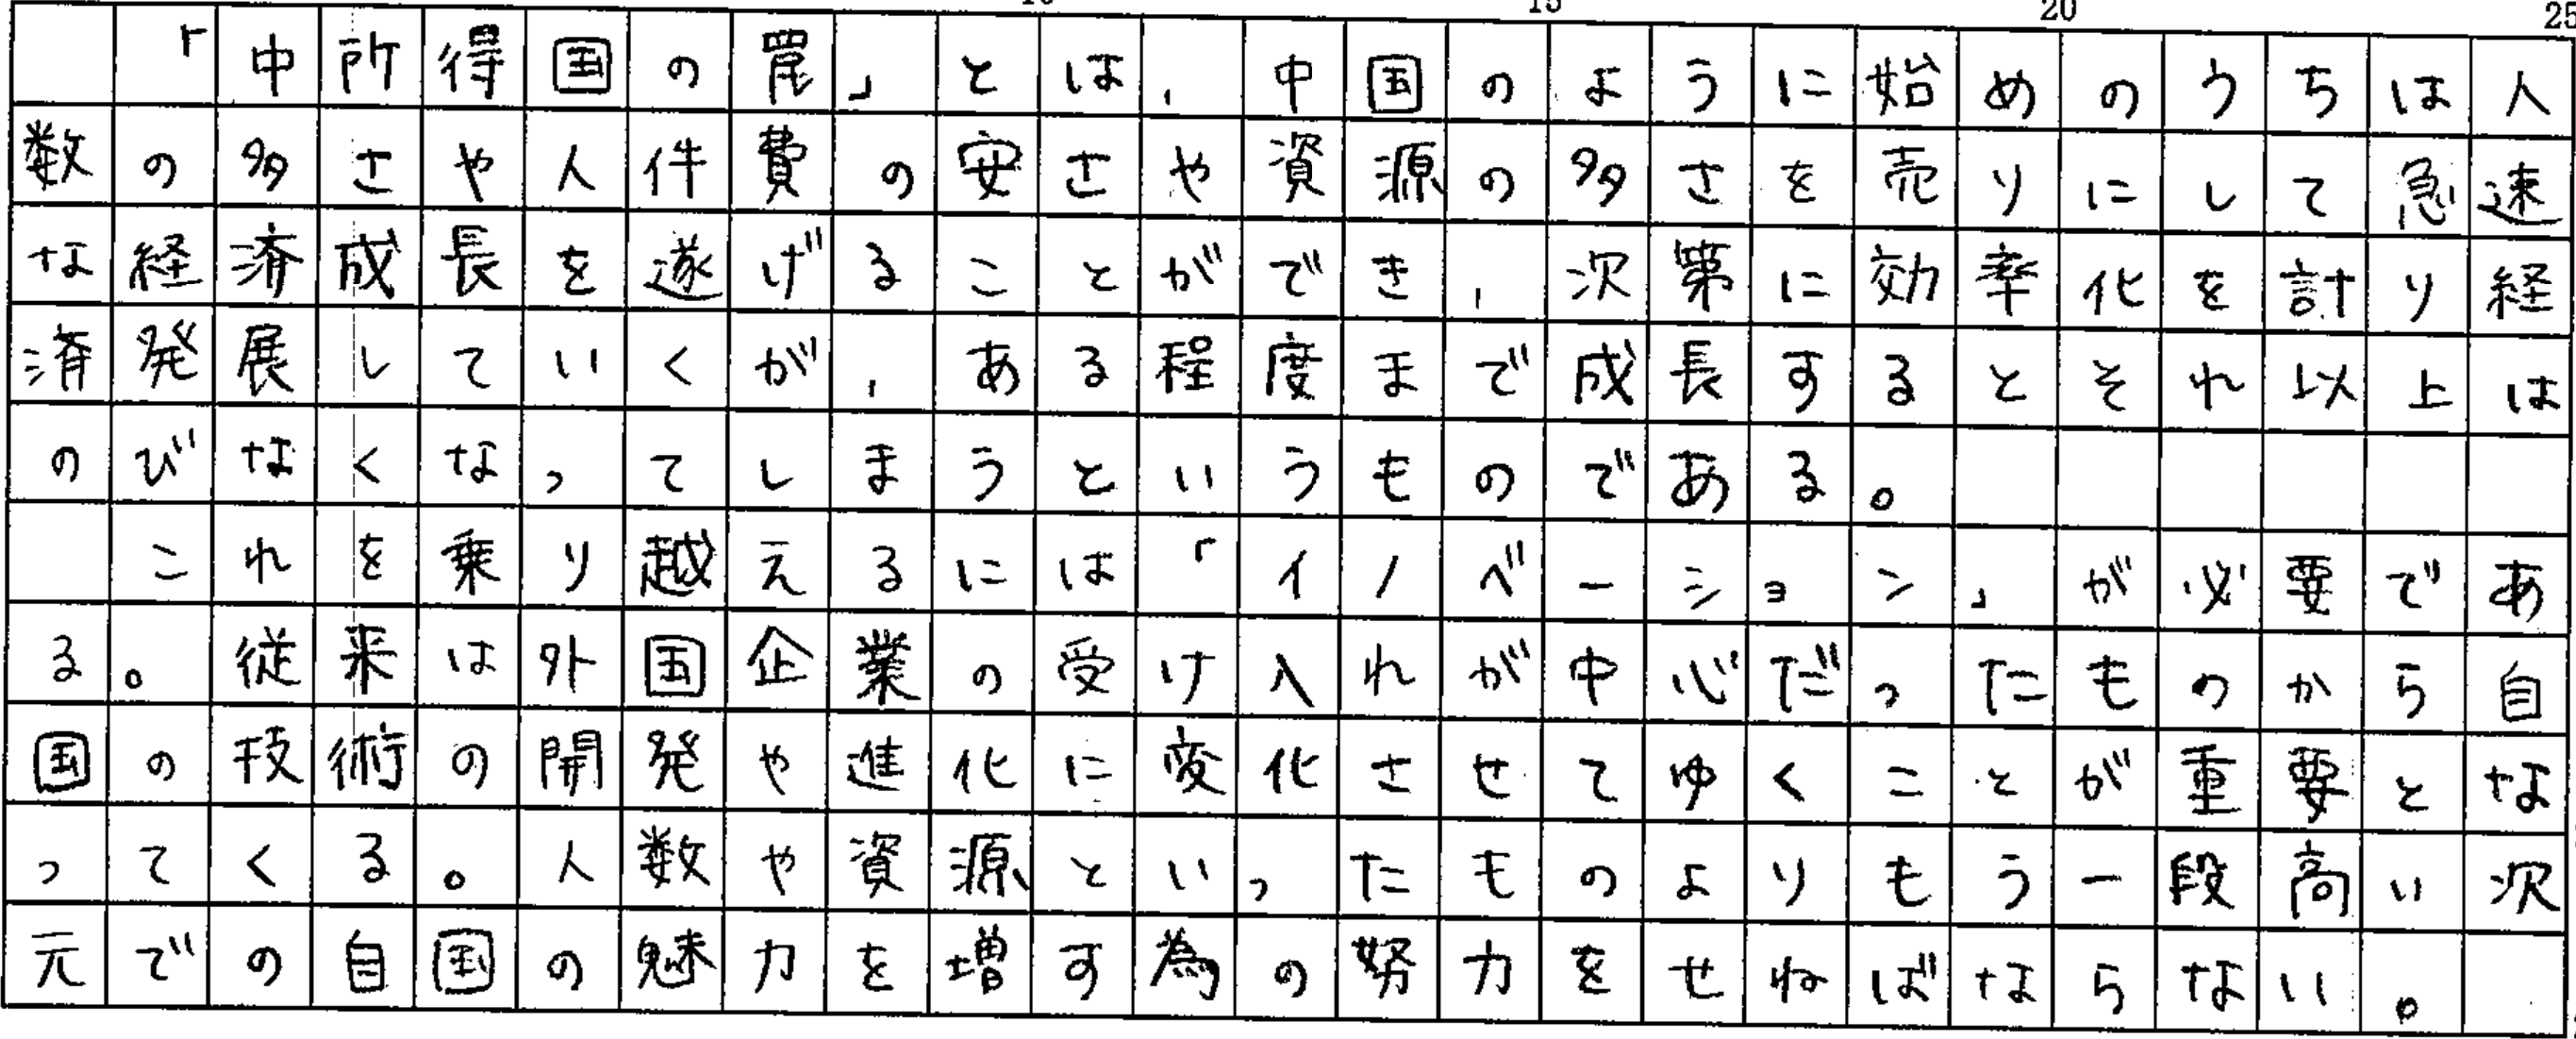　「中所得国の罠」とは，中国のように始めのうちは人数の多さや人件費の安さや資源の多さを売りにして急速な経済成長を遂げることができ，次第に効率化を計り経済発展していくが，ある程度まで成長するとそれ以上はのびなくなってしまうというものである。
　これを乗り越えるには「イノベーション」が必要である。従来は外国企業の受け入れが中心だったものから自国の技術の開発や進化に変化させてゆくことが重要となってくる。人数や資源といったものよりもう一段高い次元での自国の魅力を増す為の努力をせねばならない。
